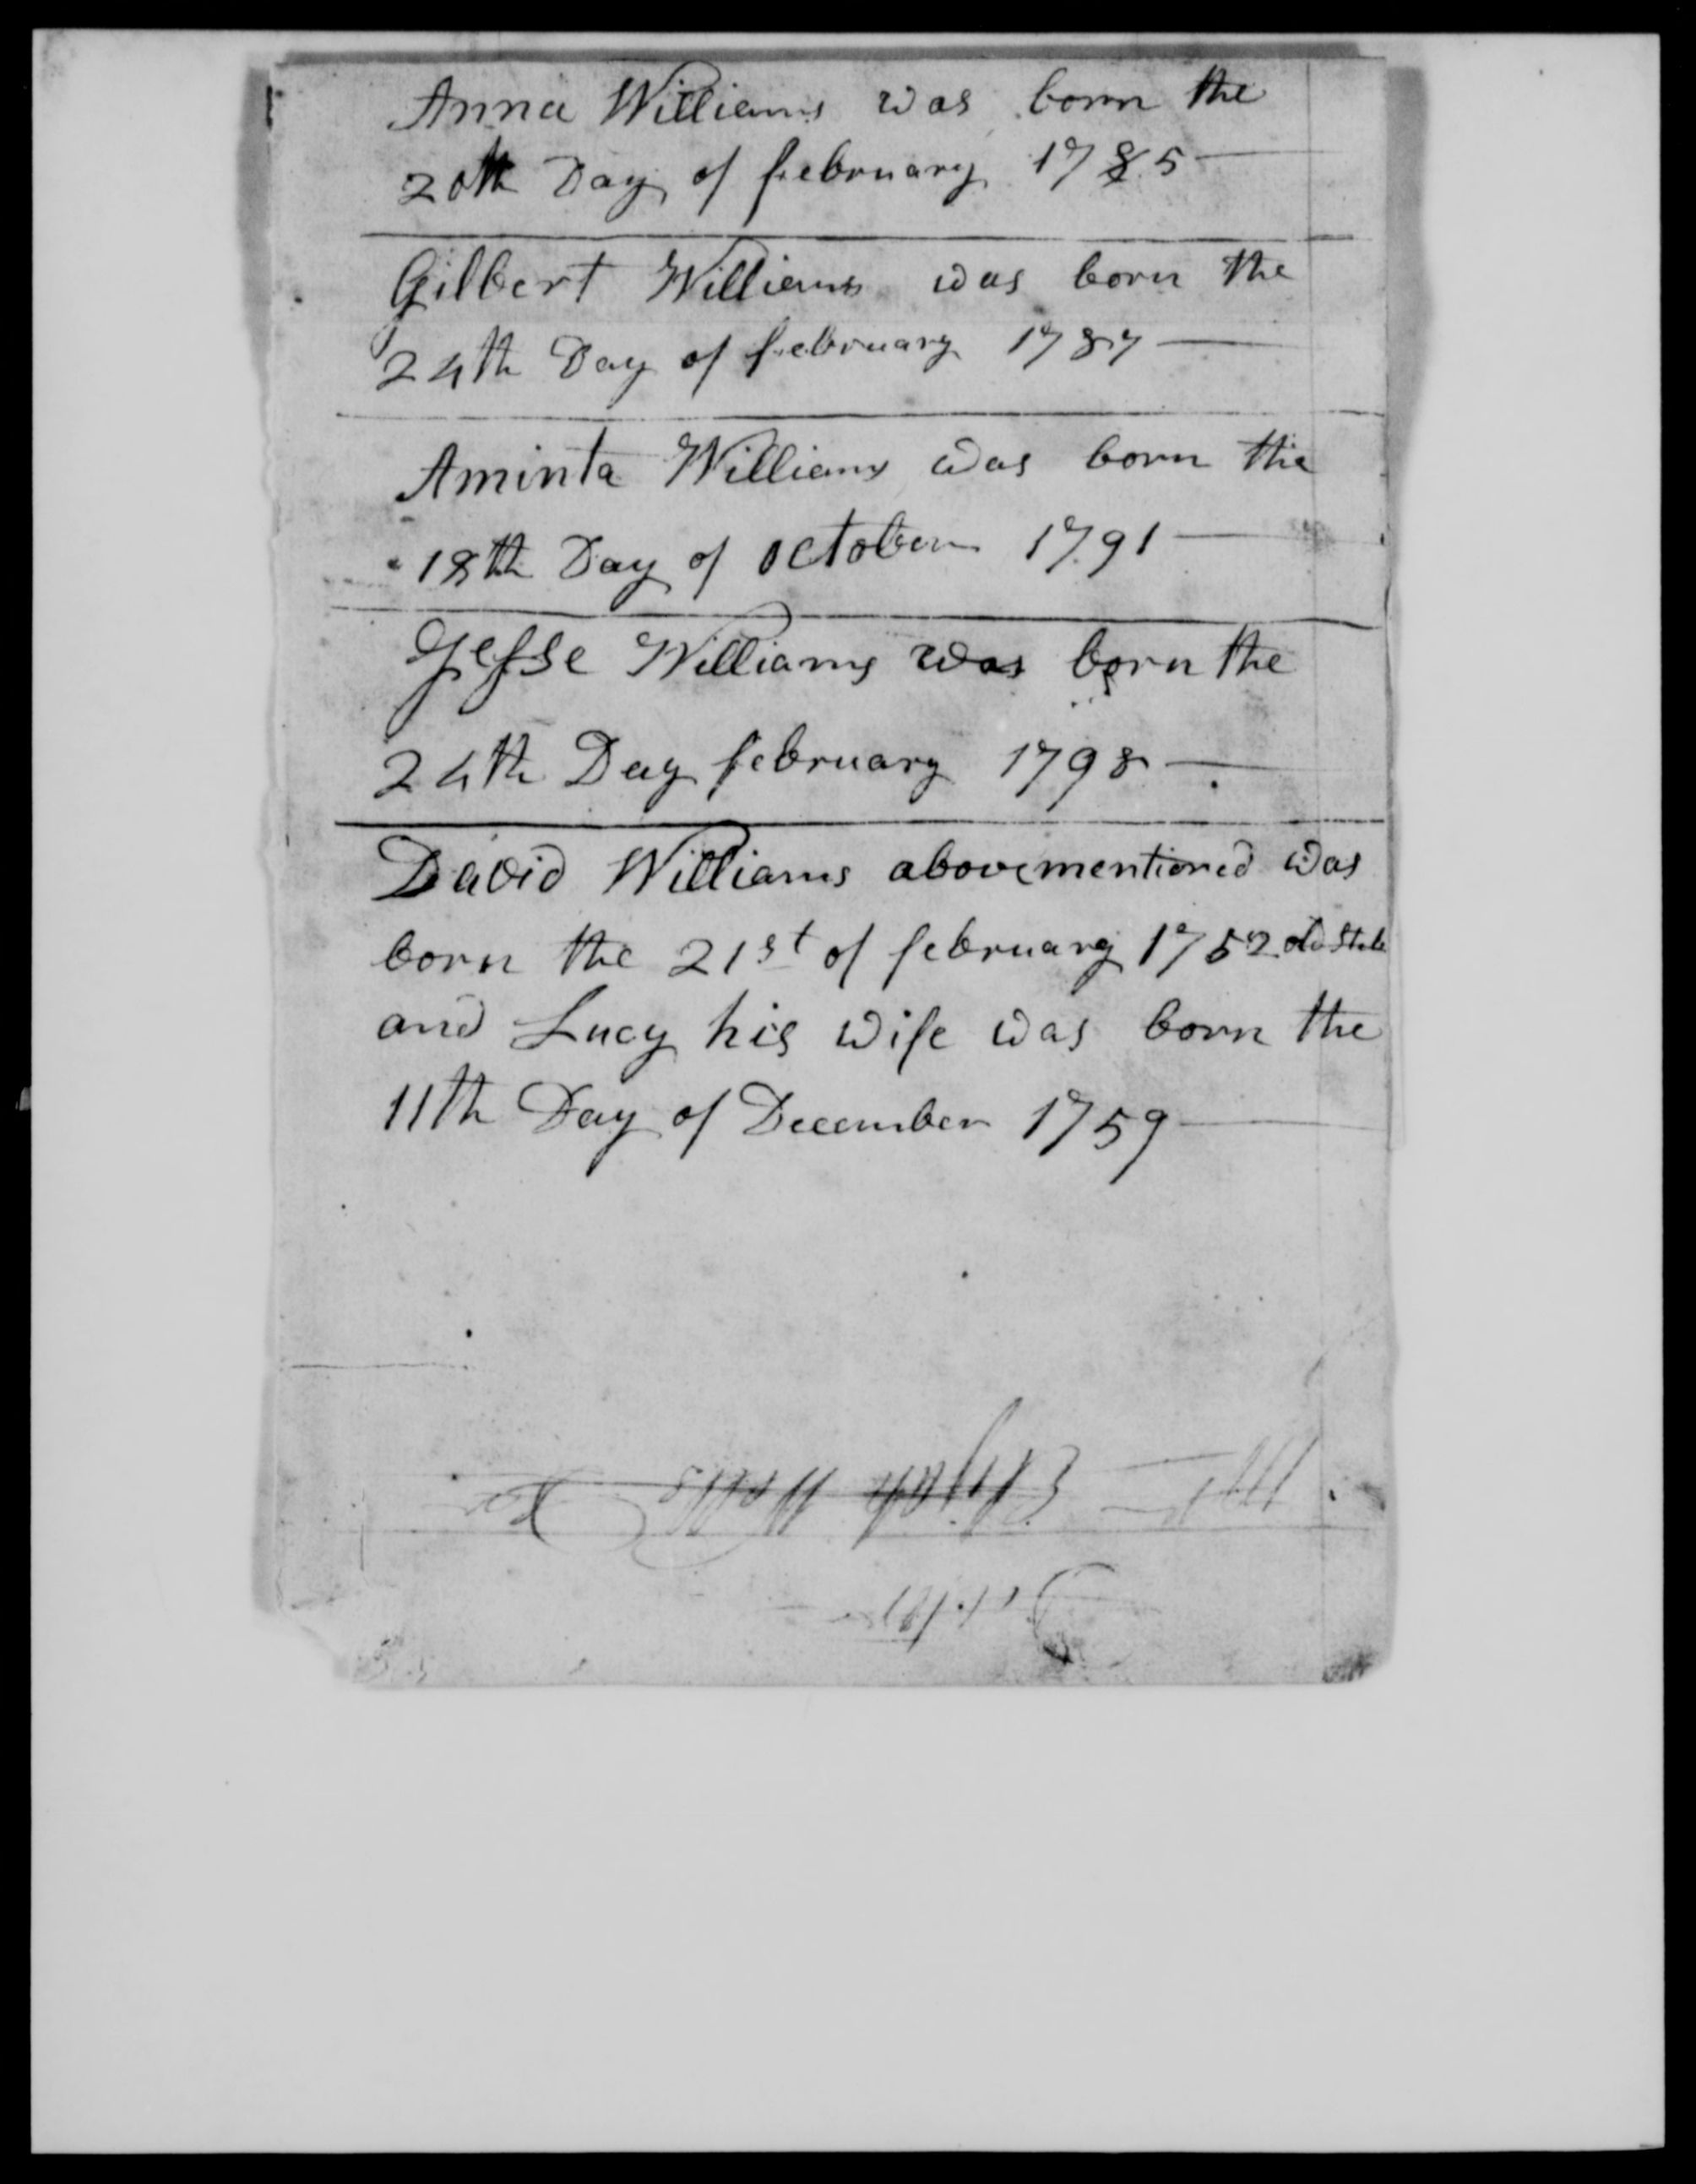Anna Williams was born the 20th day of February 1785

Gilbert Williams was born the 24th day of February 1787

Aminta Williams was born the 18th day of October 1791

Gesse Williams was born the 24th day of February 1798

David Williams abovementioned was born the 21st of February 1752 of state and Lucy his wife was born the 11th day of December 1759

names: Gilbert Williams, Aminta Williams, Elijah Wells, David Williams, Lucy, Jesse Williams, Anna Williams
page: 15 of 63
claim: widow's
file: W. 22,632, David Williams, Conn. Continental Privateer